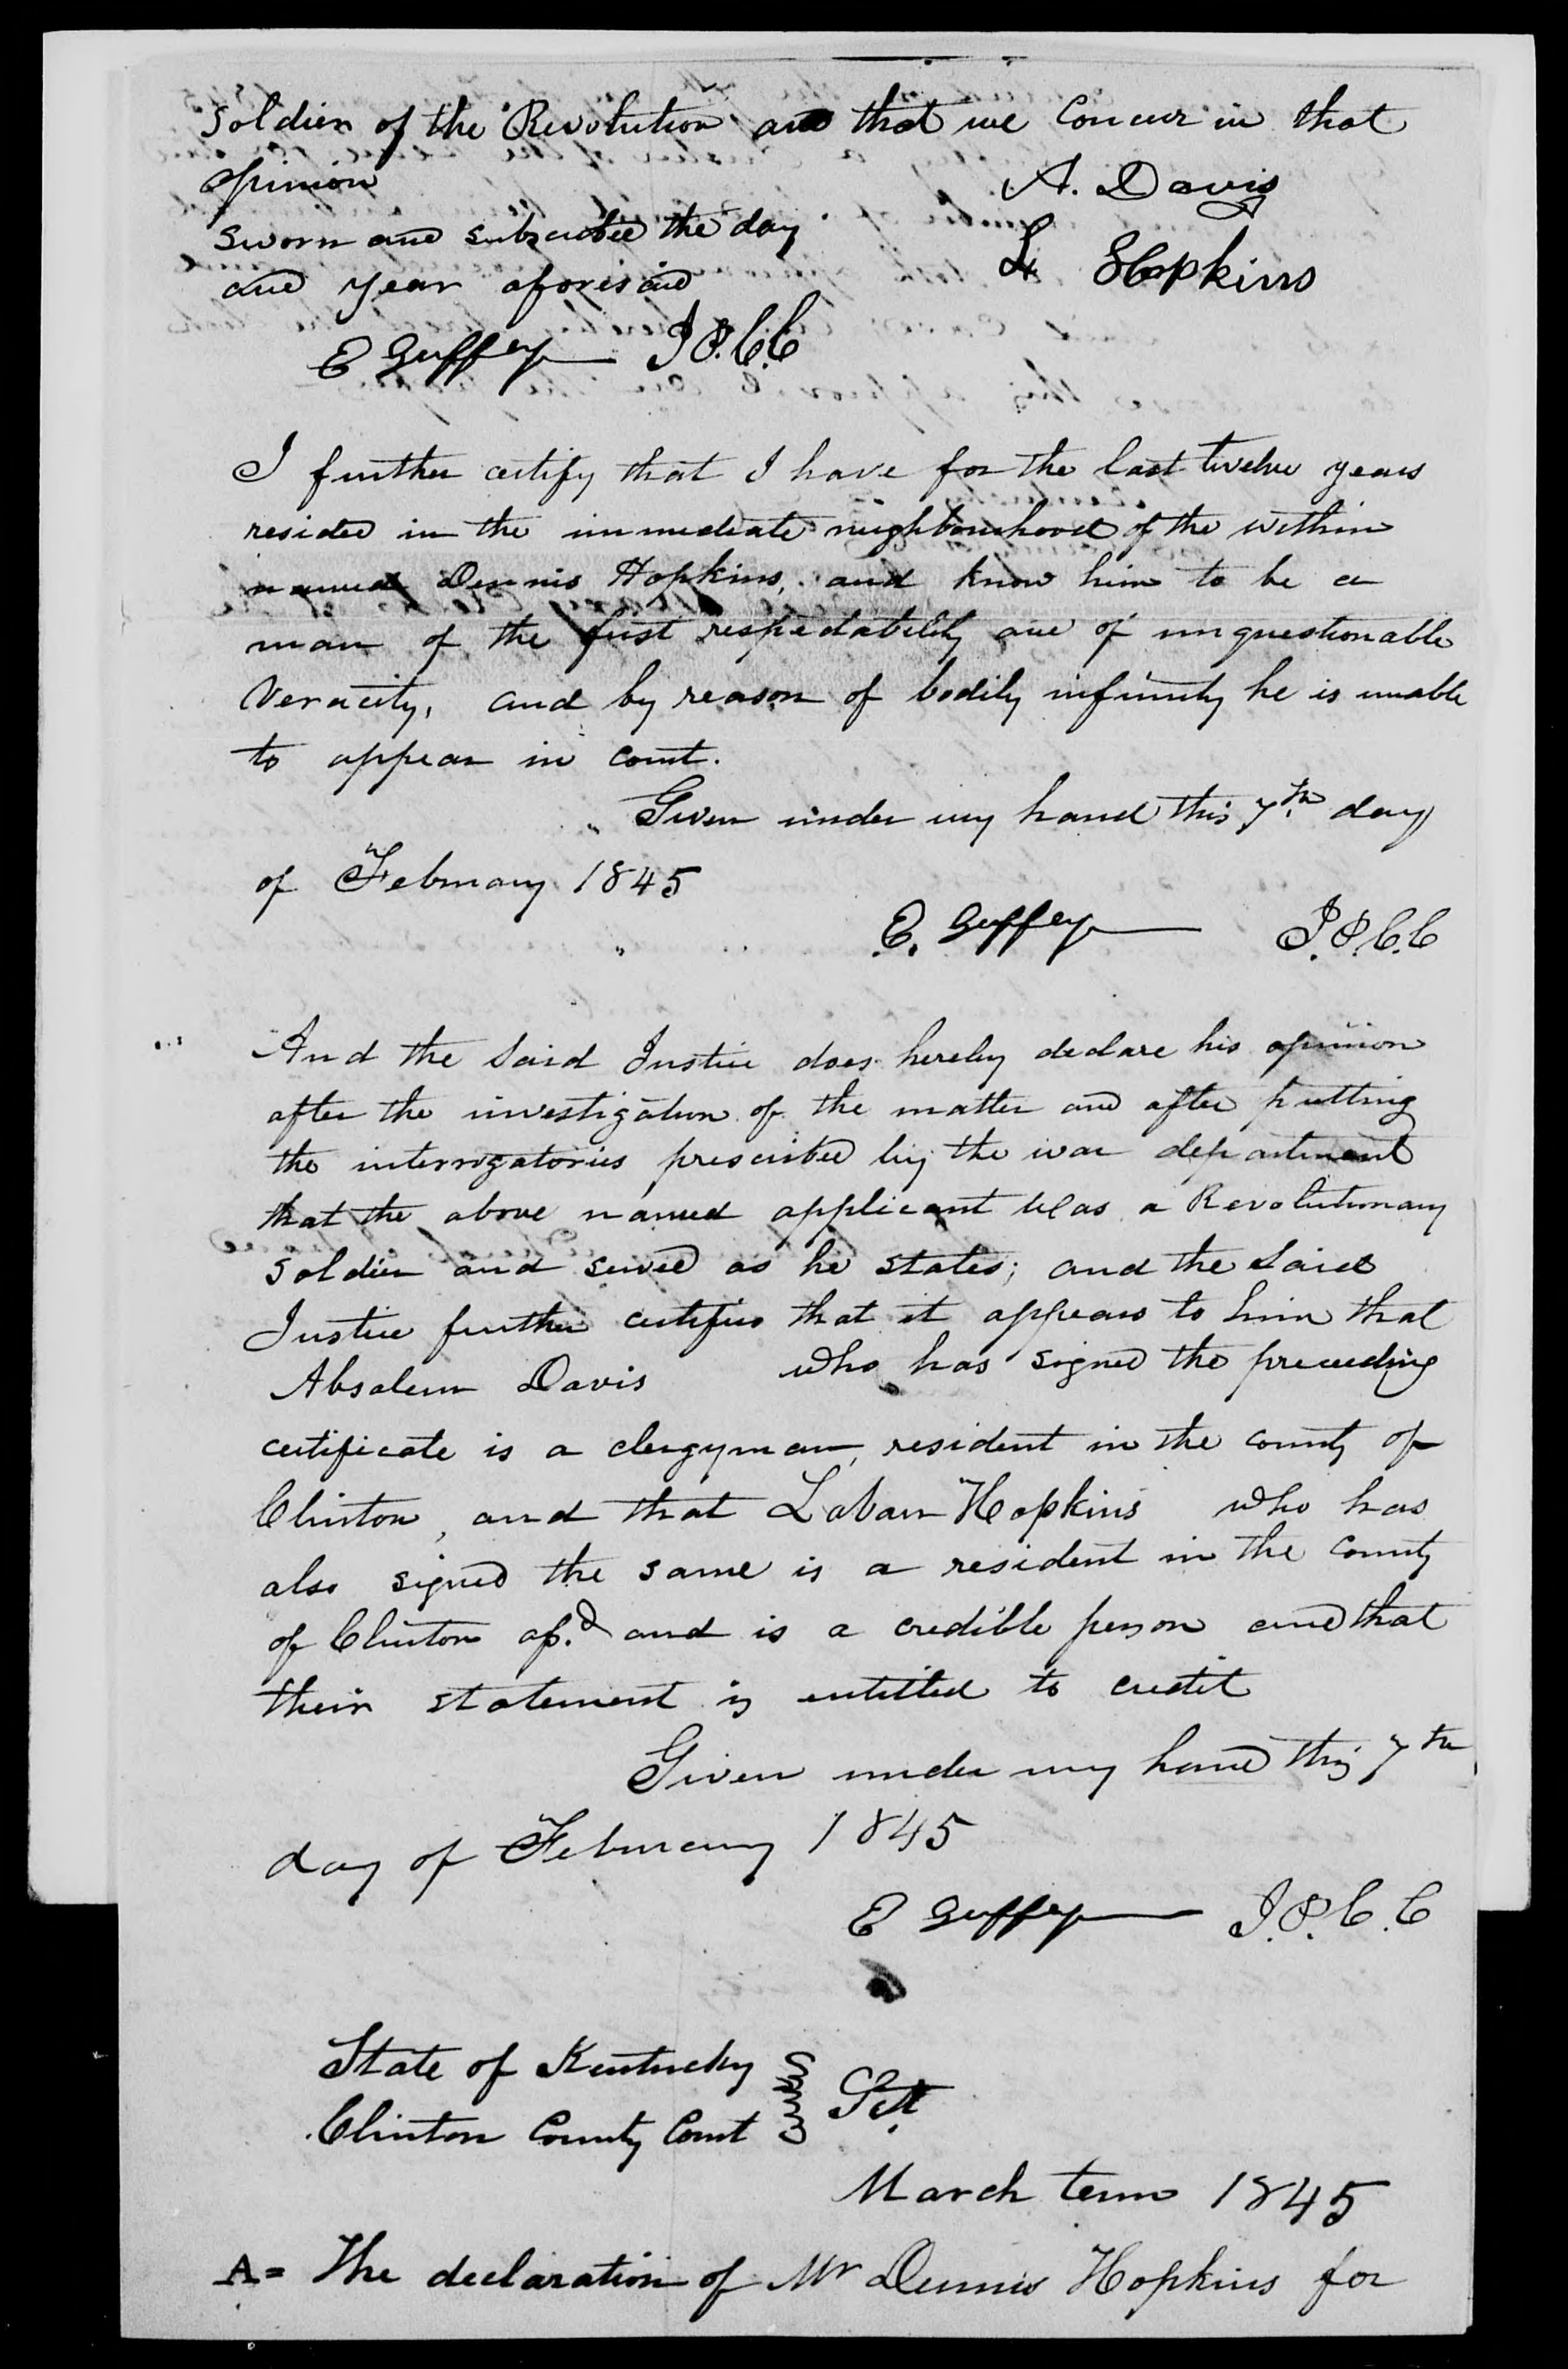soldier of the Revolution and that we concur in that opinion
Sworn and subscribed the day    A. Davis
and year aforesaid
E Guffey J P.C.C.

I further certify that I have for the last twelve years resided in the immediate neighborhood of the within at Dennis Hopkins, and know him to be a man of the first respectability and of unquestionable veracity, and by reason of bodily infirmity he is unable to appear in court.
Given under my hand this 7th day
of February 1845
E. Guffey J. P. C. C.

And the said Justice does hereby declare his opinion after the investigation of the matter and after putting the interrogatories prescribed by the war department that the above named applicant was a Revolutionary Soldier and served as he states; and the said Justice further certifies that it appears to him that Absalem Davis who has signed the preceeding certificate is a clergyman, resident in the County of Clinton, and that Labon Hopkins who has also signed the same is a resident in the County of Clinton afsd and is a credible person and that their statement is entitled to credit

Given under my hand this 7th
day of February 1845
E Guffey J.P.C.C
State of Kentucky}
Clinton County Court} Sct
March Term 1845
A - The declaration of Mr Dennis Hopkins for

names: Dennis Hopkins, E Guffey, Laban Hopkins, Absalom Davis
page: 21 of 144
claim: rejected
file: R. 5208, Dennis Hopkins, N.C.